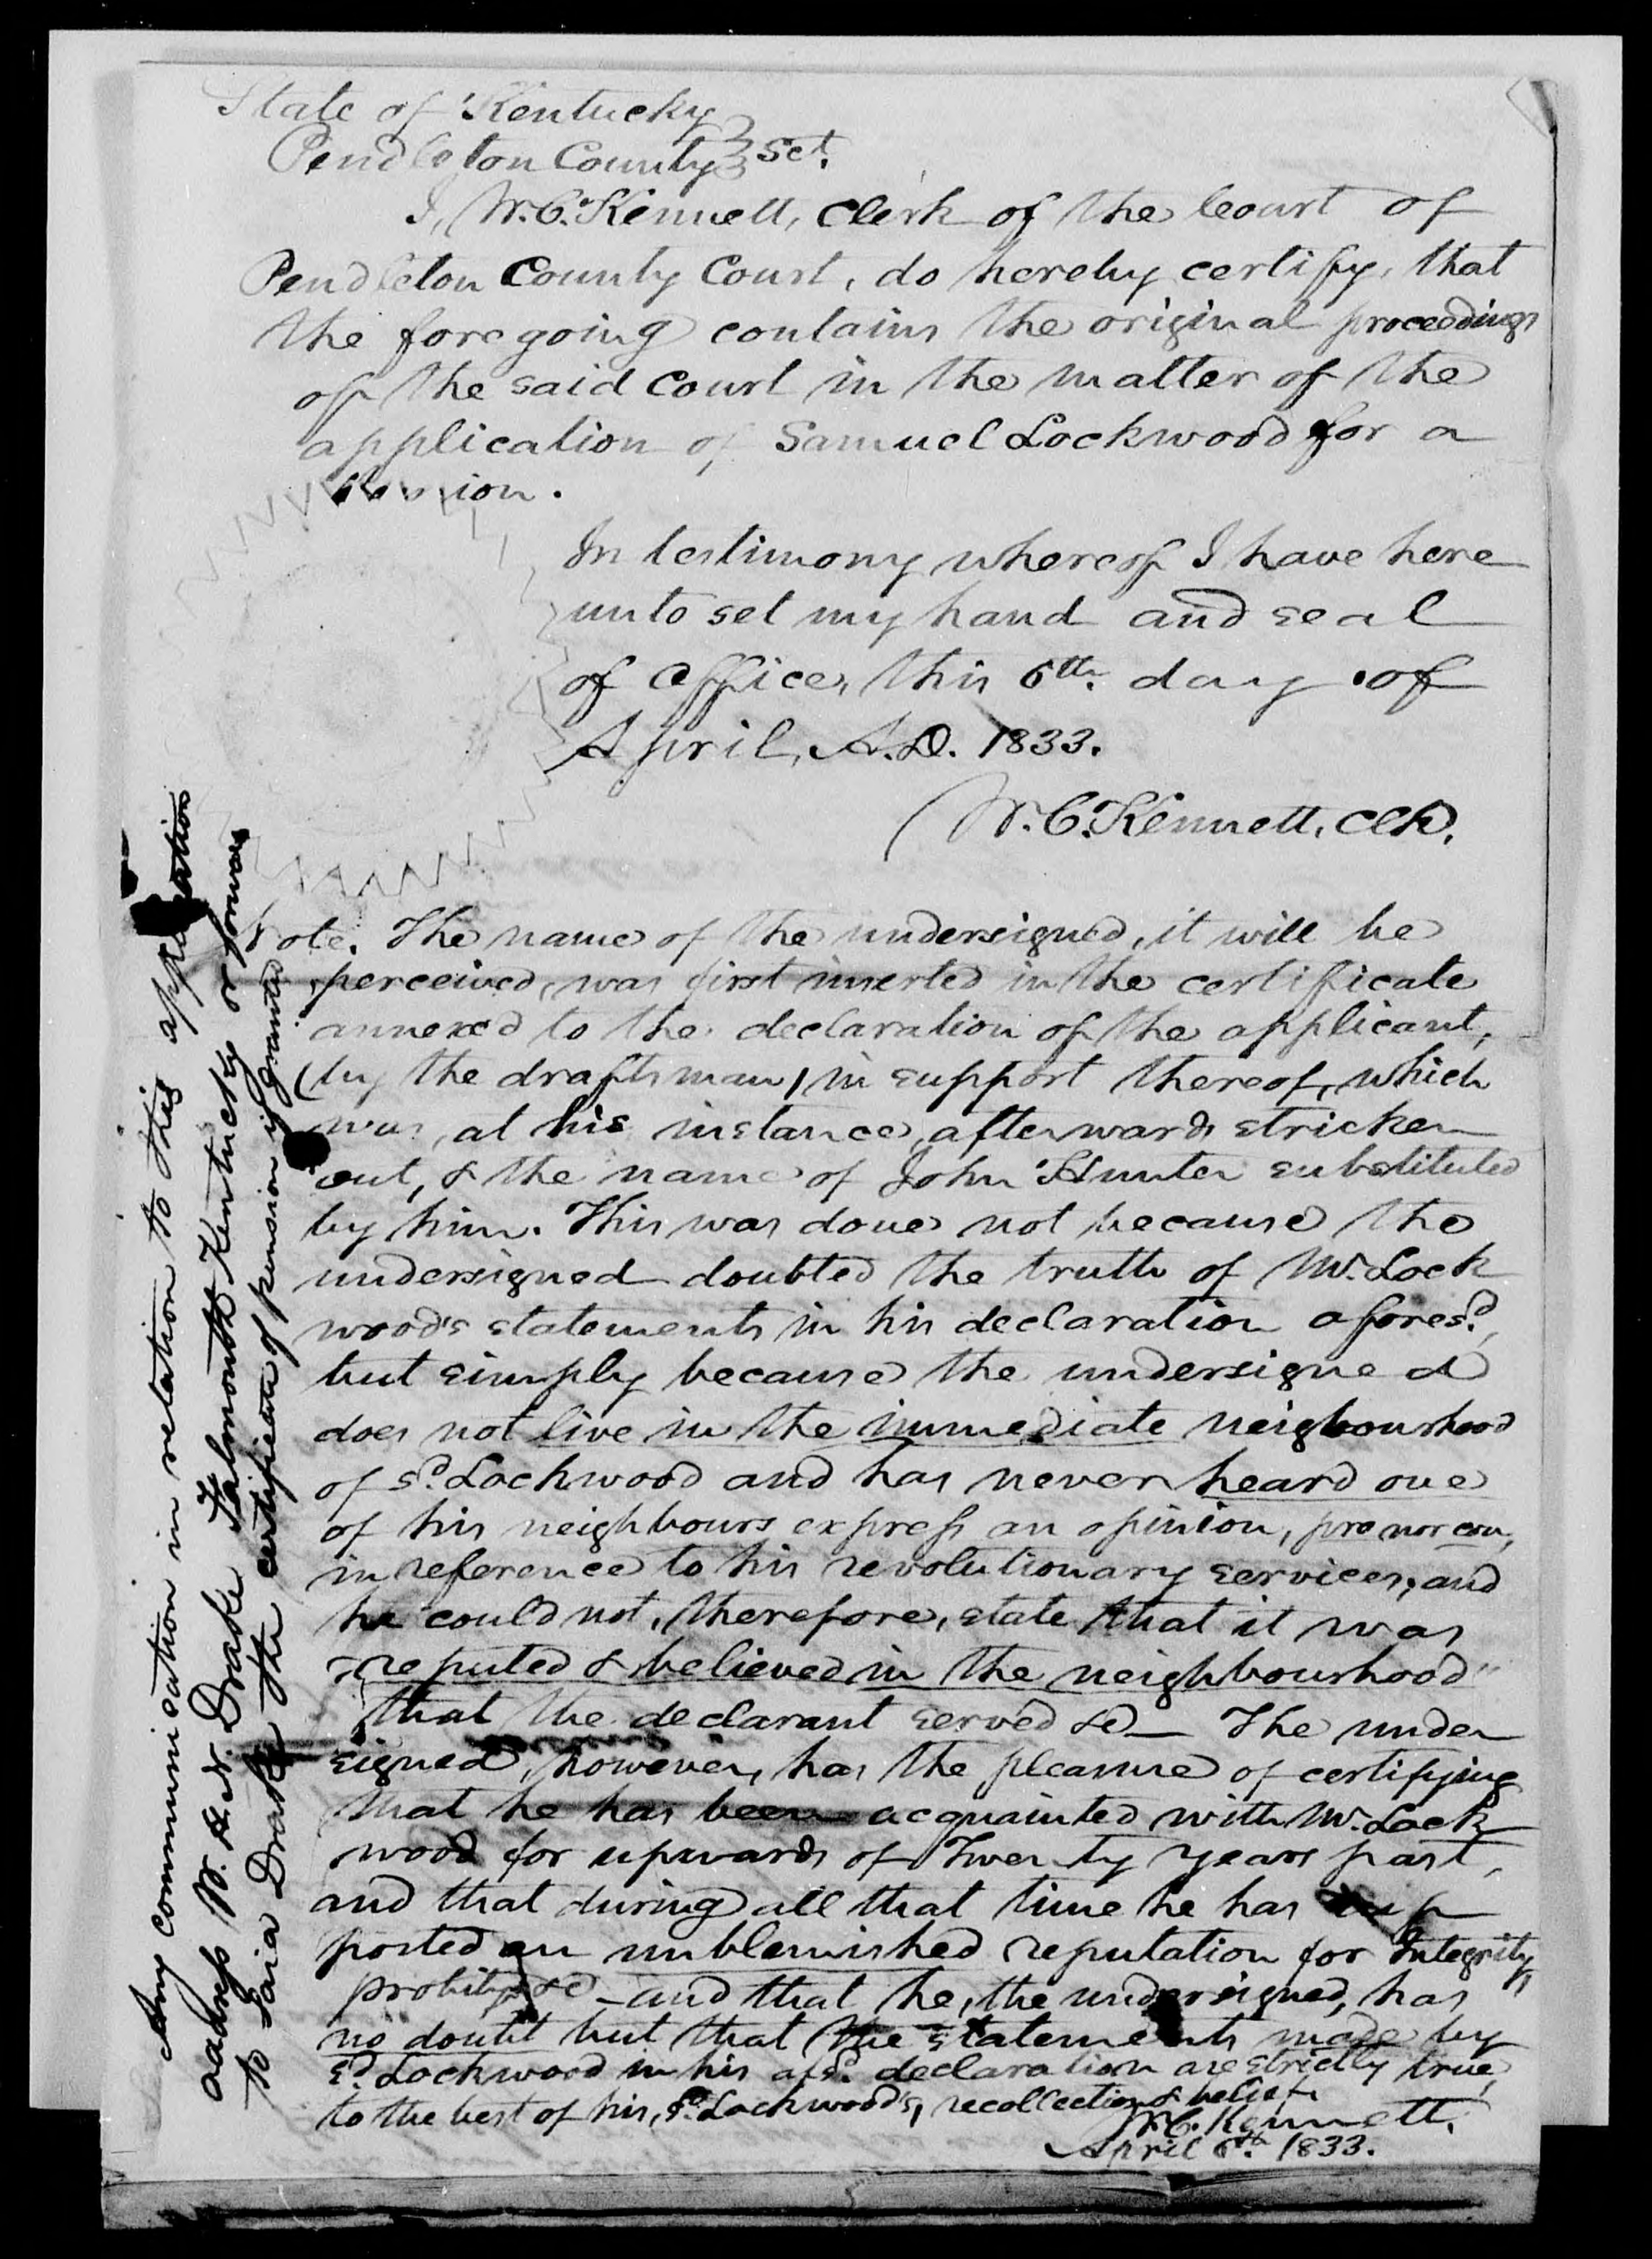State of Kentucky
Pendleton County Sct
I, W.C. Kennett, Clerk of the Court of
Pendleton County Court, do hereby certify, that the
foregoing contains the original proceedings
of the said Court in the matter of the
application of Samuel Lockwood for a
Pension. 
In testimony whereof I have hereunto set my hand and seal
of Office this 6th day of April, A.D. 1833.
W.C. Kennett, Clk

Note. The name of the undersigned, it will be
perceived was first inserted in the certificate
annexed to the declaration of the applicant,
(by the draftsman) in support thereof, which
was at his instance, afterwards stricken
out & the name of John Hunter substituted
by him. This was done not because the
undersigned doubted the truth of Mr Lockwood’s
statements in his declaration afores’d,
but simply because the undersigned
does not live in the immediate neighbourhood
of S’l Lockwood and has never heard one of
his neighbours express an opinion, pro or con,
in reference to his revolutionary services, and
he could not, therefore, state that it was
‘reputed & believed in the neighbourhood’
that the declarant served &c-- The undersigned
however, has the pleasure of certifying
that he has been acquainted with Mr Lockwood
 for upwards of Twenty years past,
and that during all that time he has
posted an unblemished reputation for integrity,
probity &c - and that he, the undersigned has
no doubt but that the statements made by
S’l. Lockwood in his declaration are strictly true
to the best of his Lockwoods, recollection & belief.
W.C. Kennett
April 6th, 1833.

Any communication in relation to this application
Address Mr. H Drake, Falmouth Kentucky or forward 
 to Sara Drake the certificate of pension if granted.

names: W C Kennett; W H N Drake; John Hunter; Samuel Lockwood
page: 14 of 25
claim: survivor's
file: S. 13789, for Samuel Lockwood, Delaware